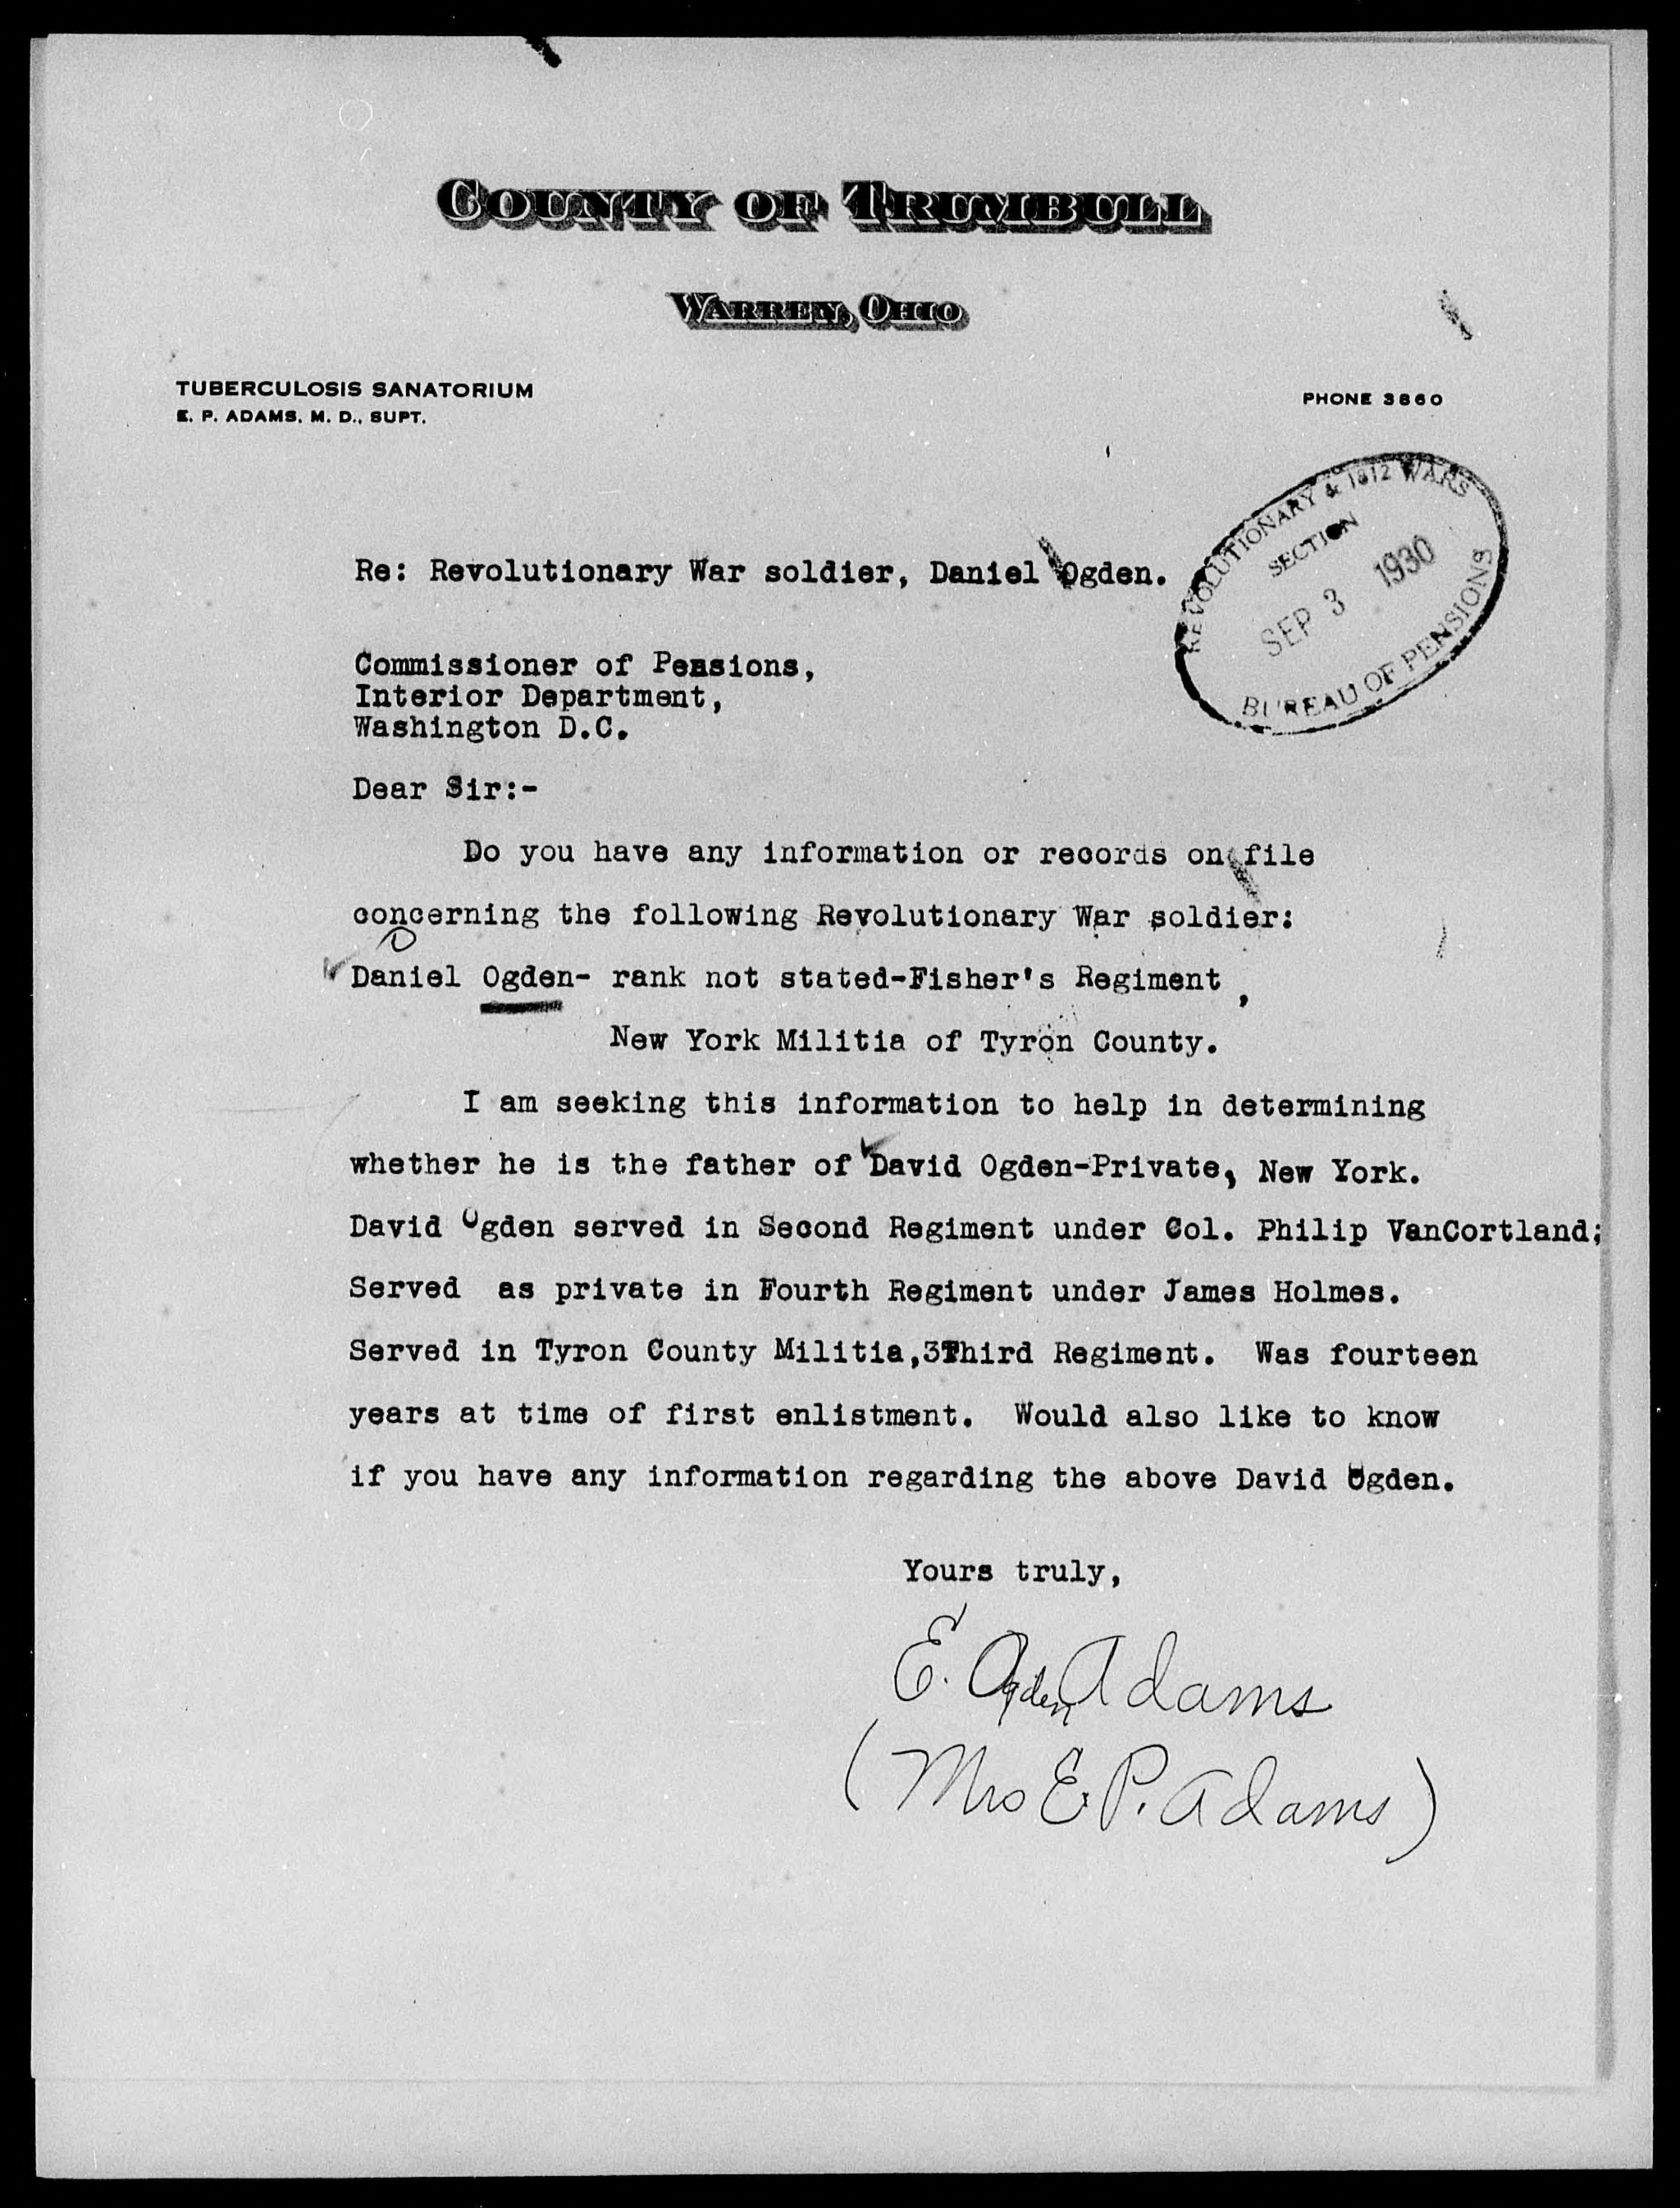[large shadow font] COUNTY OF TRUMBULL
WARREN, OHIO

TUBERCULOSIS SANATORIUM
E. F. ADAMS, M. D., SUPT.
PHONE 3560

[oval date stamp] SEP 3 1930 REVOLUTIONARY & 1912 WARS SECTION BUREAU OF PENSIONS

Re: Revolutionary War soldier, Daniel Ogden.

Commissioner of Pensions,
Interior Department,
Washington D.C.

Dear Sir: -
Do you have any information or records on file
concerning the following Revolutionary War soldier:
Daniel Ogden- rank not stated -- Fisher's Regiment
New York Militia of Tyron County. 

I am seeking this information to help in determining
whether he is the father of David Ogden Private, New York.
David Ogden served in Second Regiment under Col. Philip Van Cortland;
Served as private in Fourth Regiment under James Holmes.
Served in Tyron County Militia, 3 Third Regiment.  Was fourteen
years at time of first enlistment.  Would also like to know
if you have any information regarding the above David Ogden.

Yours truly,
E. Ogden Adams
(Mrs E.P. Adams)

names: Daniel Ogden; E Ogden Adams; James Holmes; E P Adams; David Ogden; Philip Van Cortland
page: 40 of 40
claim: widow's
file: W. 24364, for David Ogden, New York